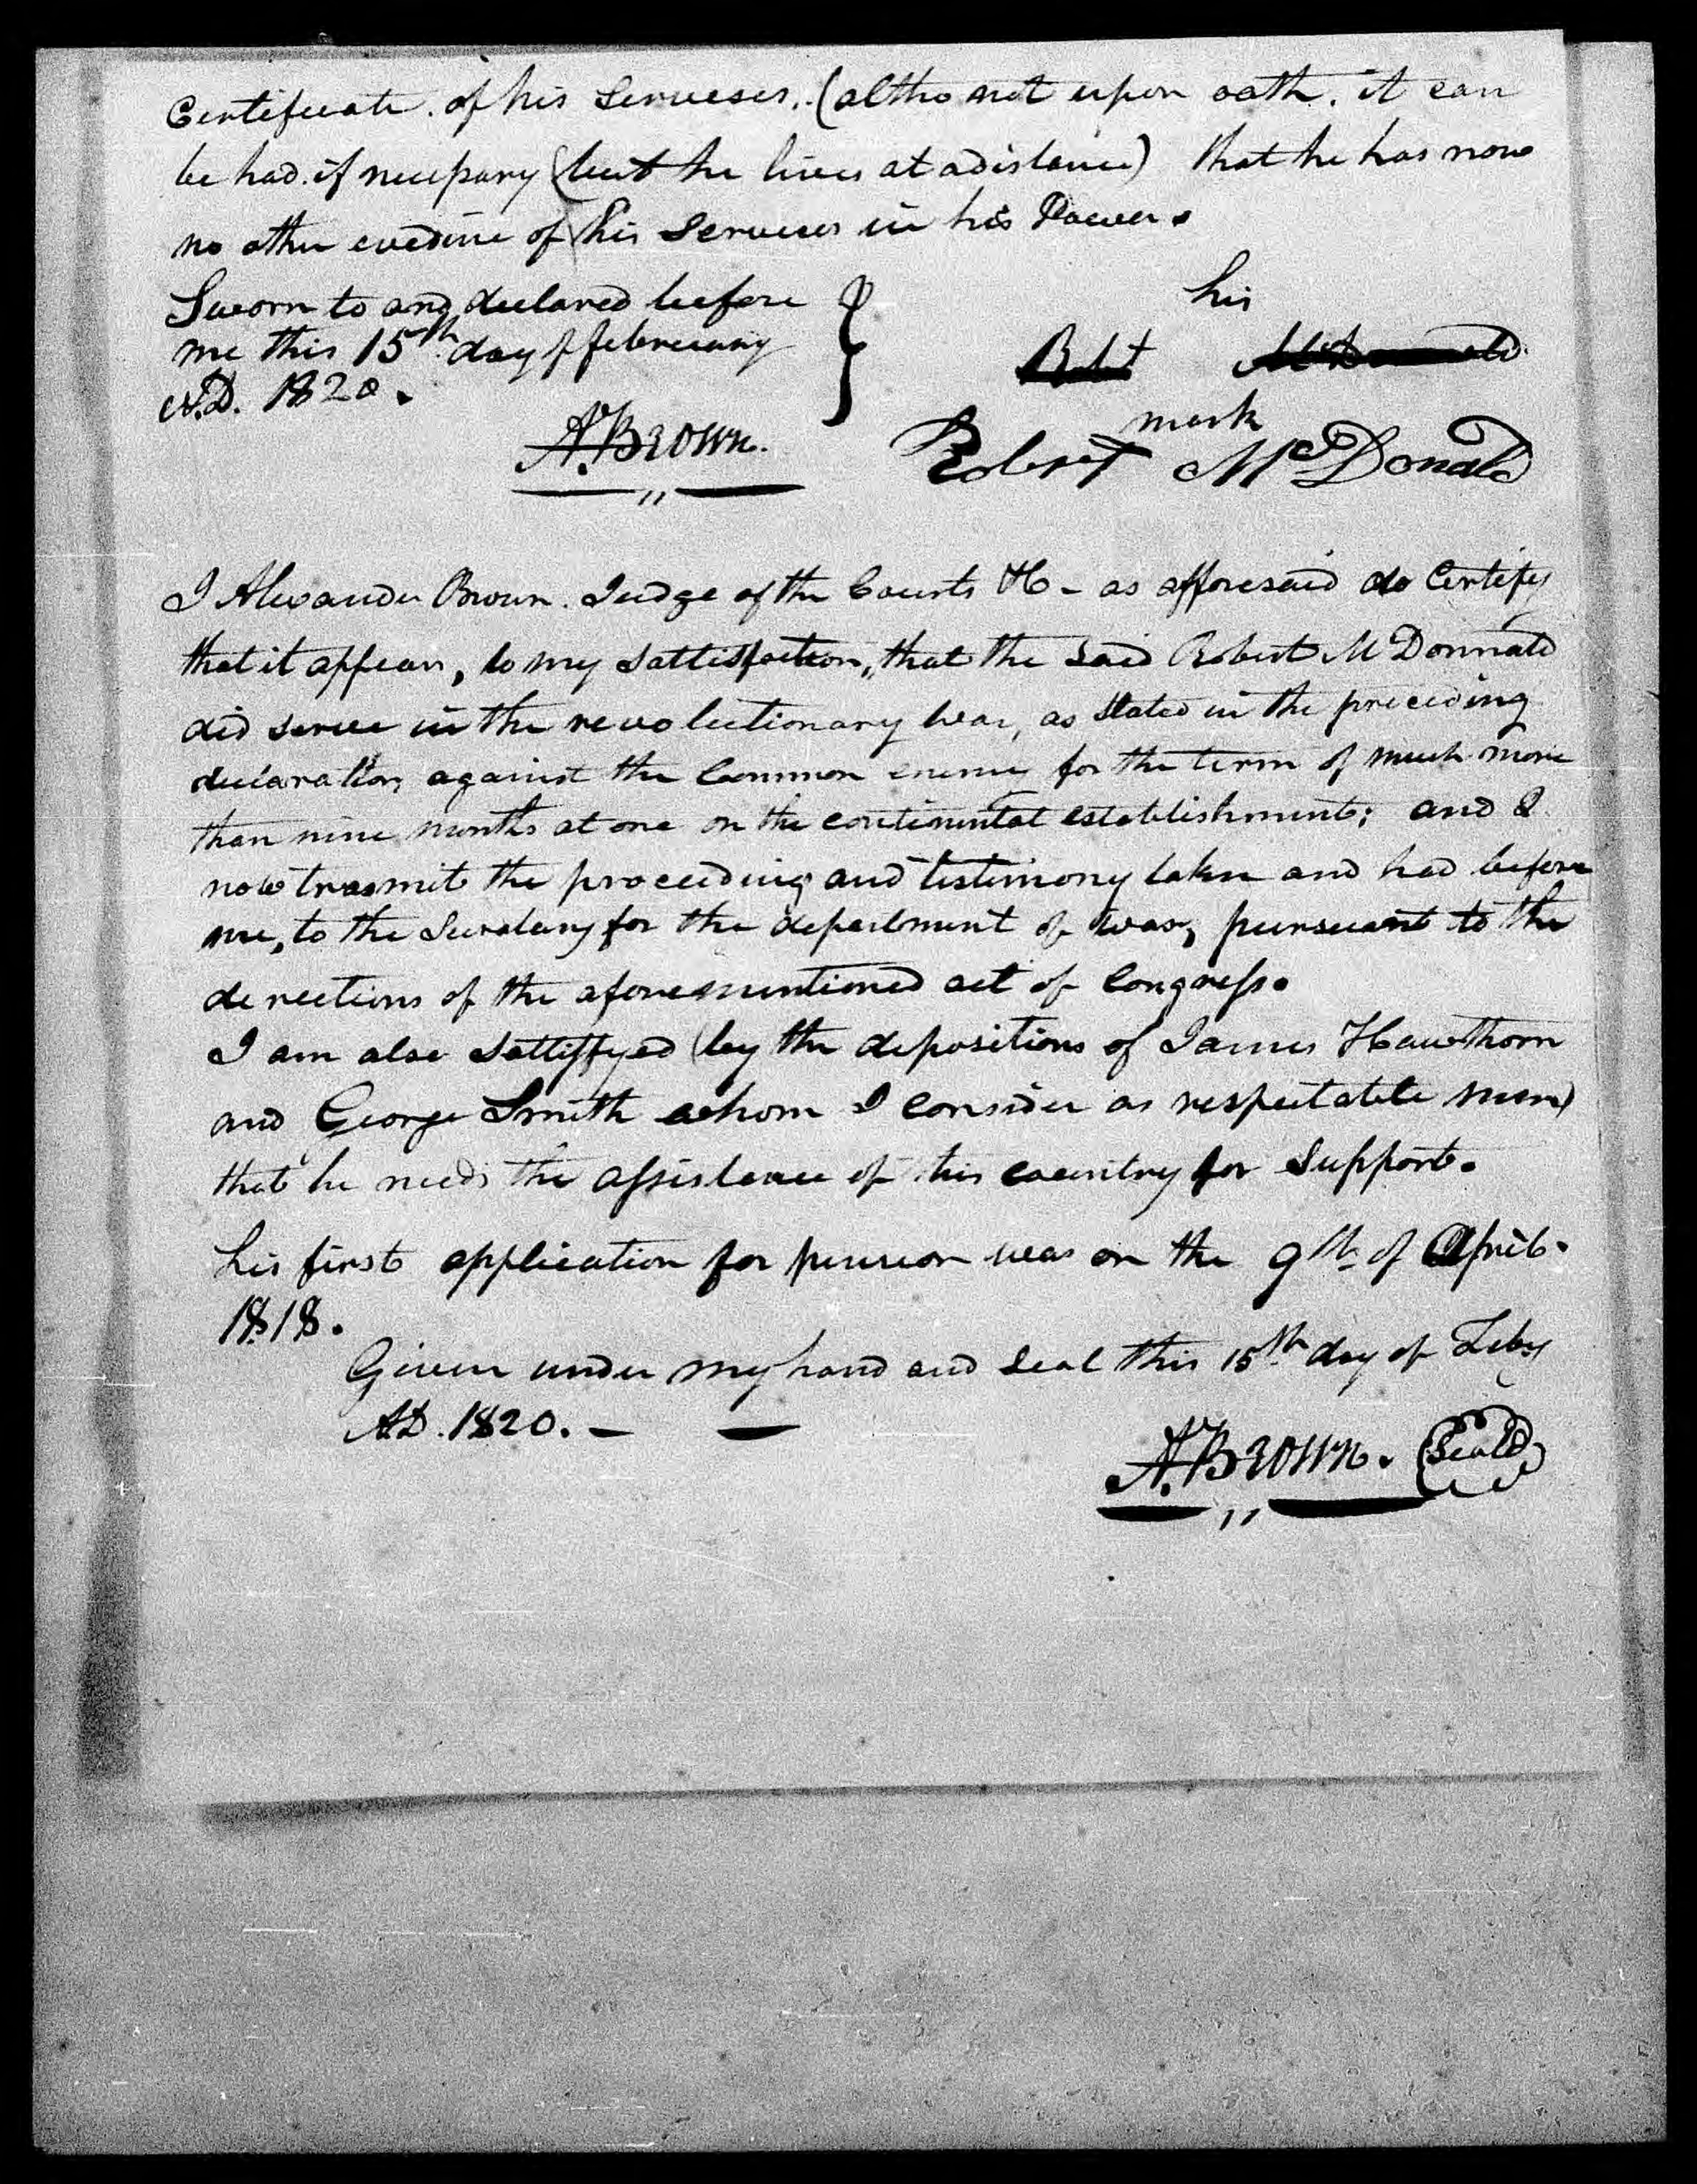Certificate of his Services (altho not upon oath, it can be had if necessary (but he lives at asistance) that he has now no other evidence of his services in his Power.
[right] his
[right[ Robert X McDonald [X being his mark in lieu of signature]
[right] mark
Sworn to and declared before me this 15th day of February A.D. 1820.
[signture] A. Brown

I Alexander Brown Judge of the Courts&C - as aforesaid do Certify that it appears, to my satisfaction, that the said Robert McDannald did serve in the revolutionary war, as stated in the proceeding declaration against the Common enemy for the term of much more than nine months at once on the continental establishment; and I now transmit the processing and testimony taken and had before me to the Secretary for the Department of War, pursuant to the directions of the aforesaid act of Congress. 
I am also satisfied by the deposition of James Hawthorn and George Smith whom I consider as respectable men, that he needs the assistance of his country for Support. 
His first application for pension was on the 9th of April 1818. 
Given under my hand and Seal this 16th day of July A.D. 1820.
[signature] A. Brown { Seal }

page: 8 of 59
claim: widow's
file: W 3703, for Robert Mc Donald, Pennsylvania